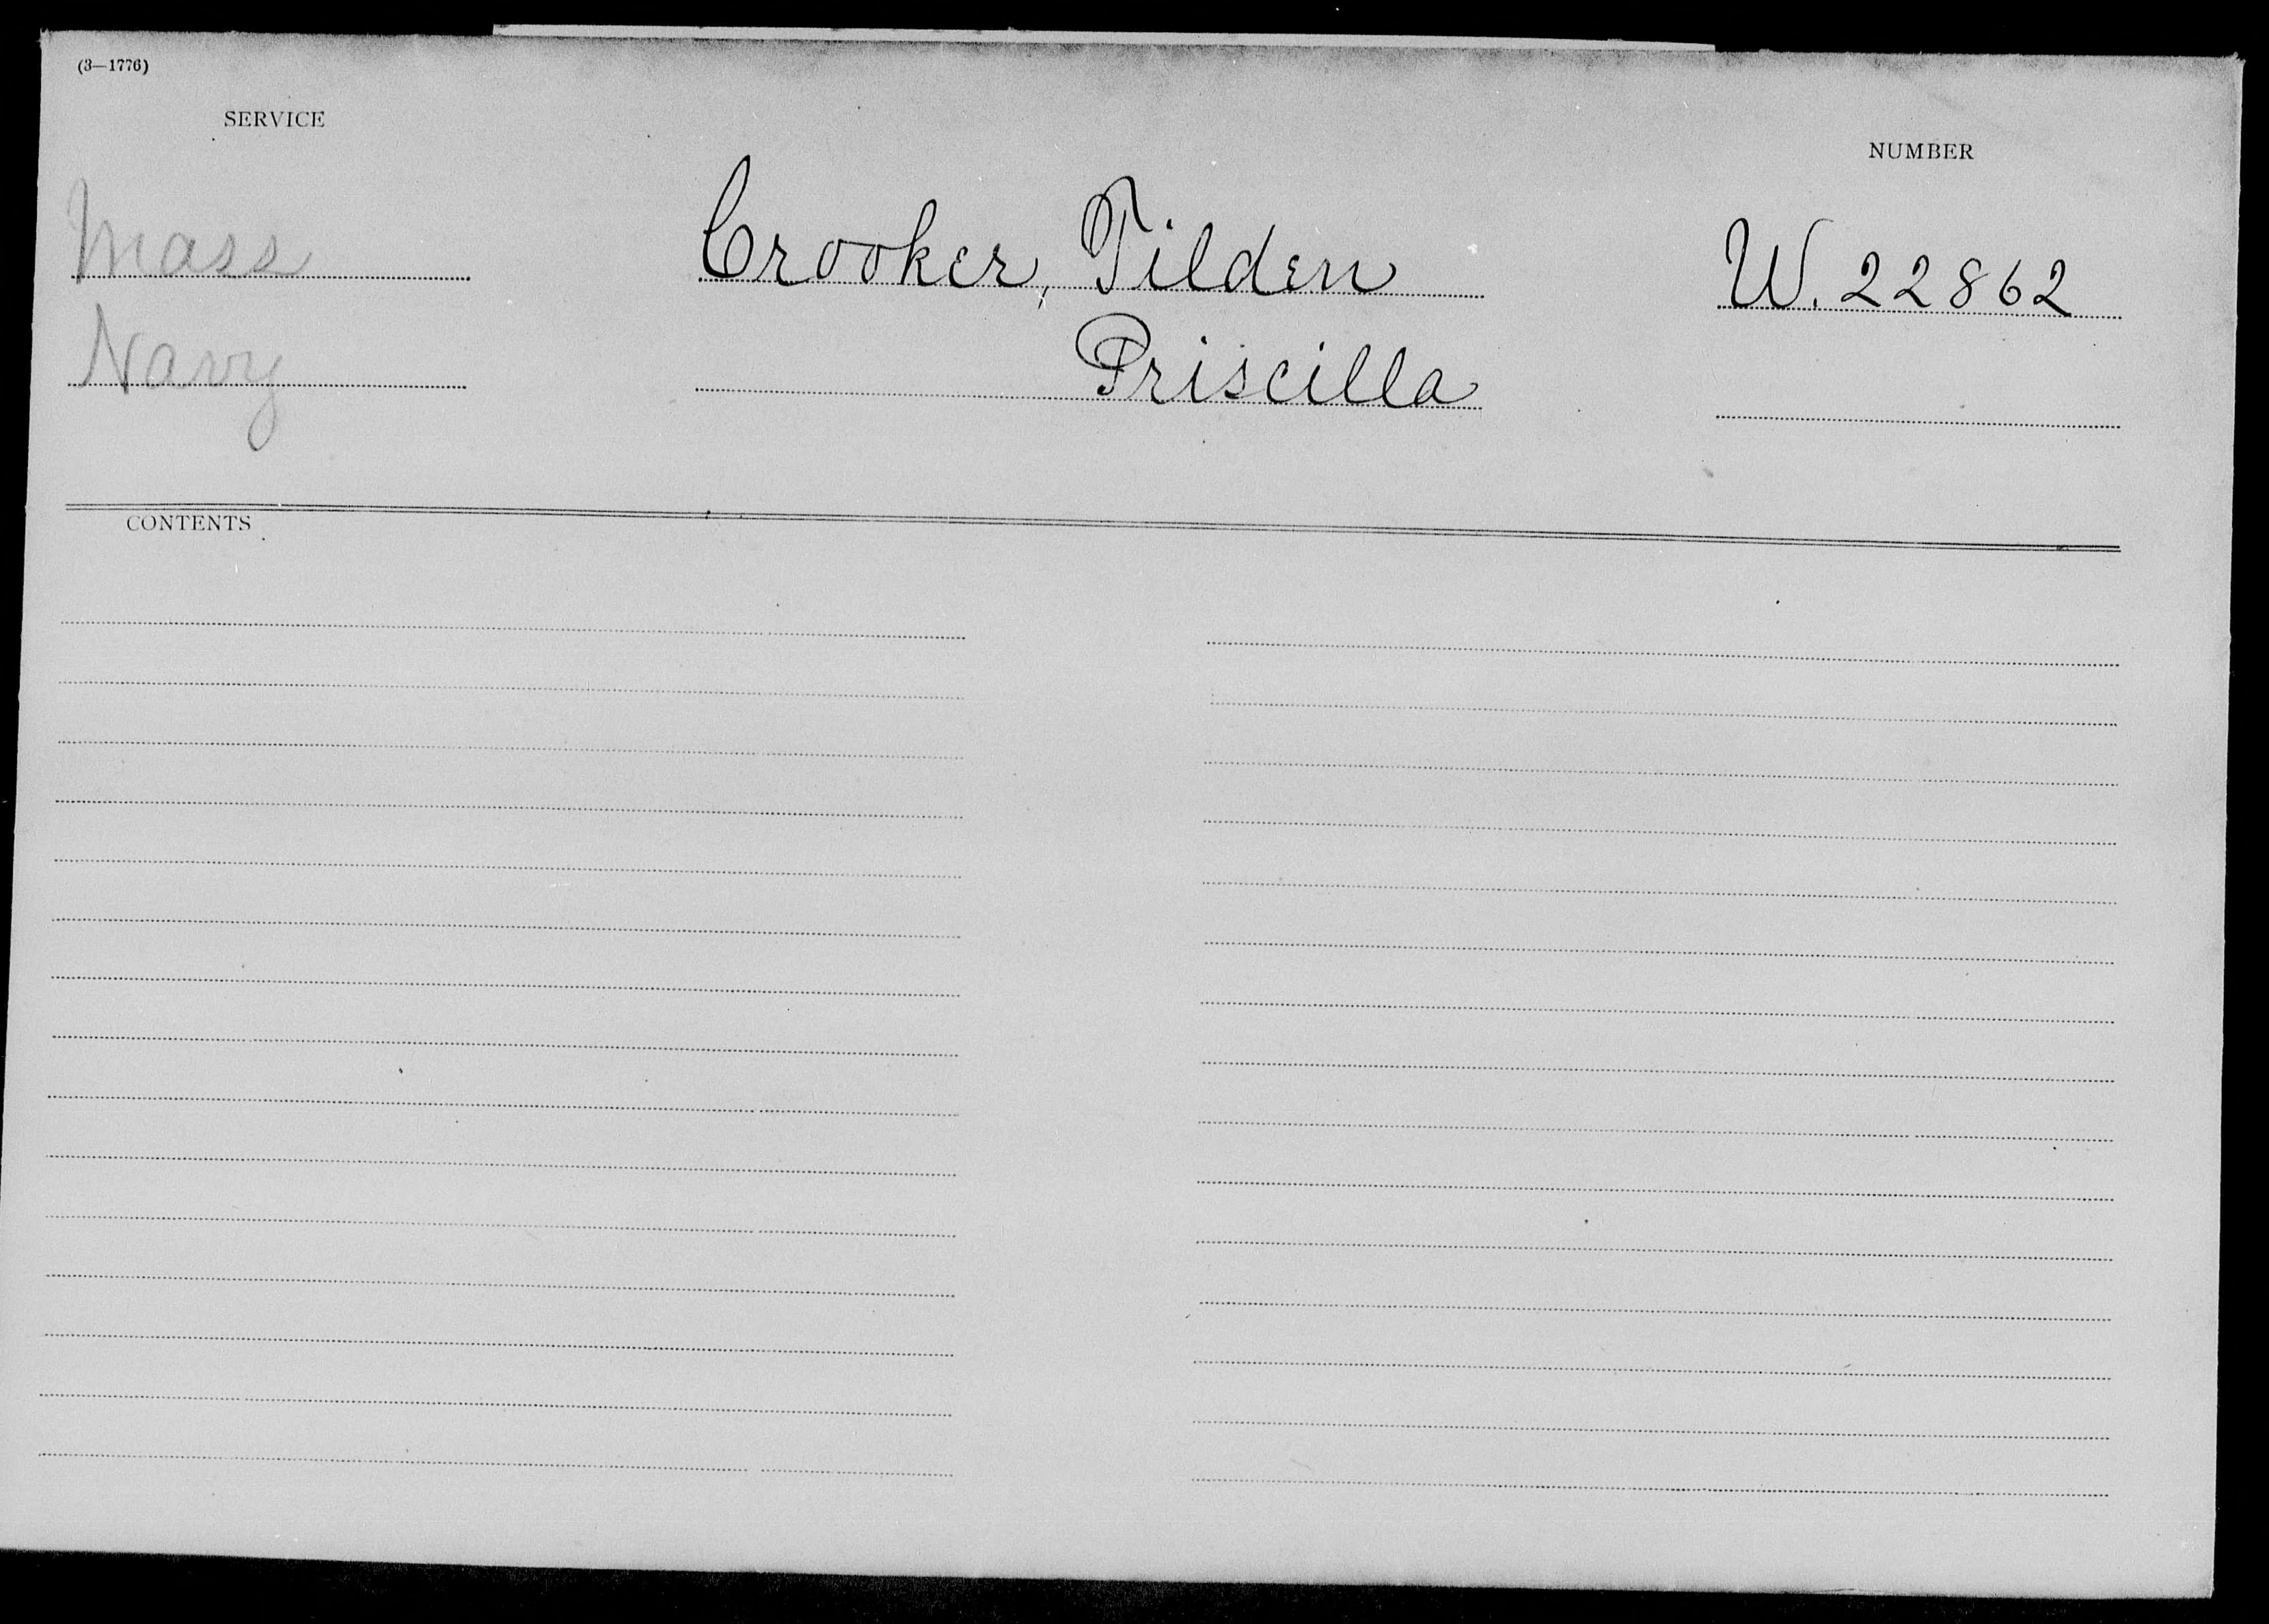Service - Mass. Navy


Crooker, Tilden
Priscilla


W. 22862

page: 1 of 33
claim: widow's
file: W. 22862, Tilden Crooker, Mass Navy